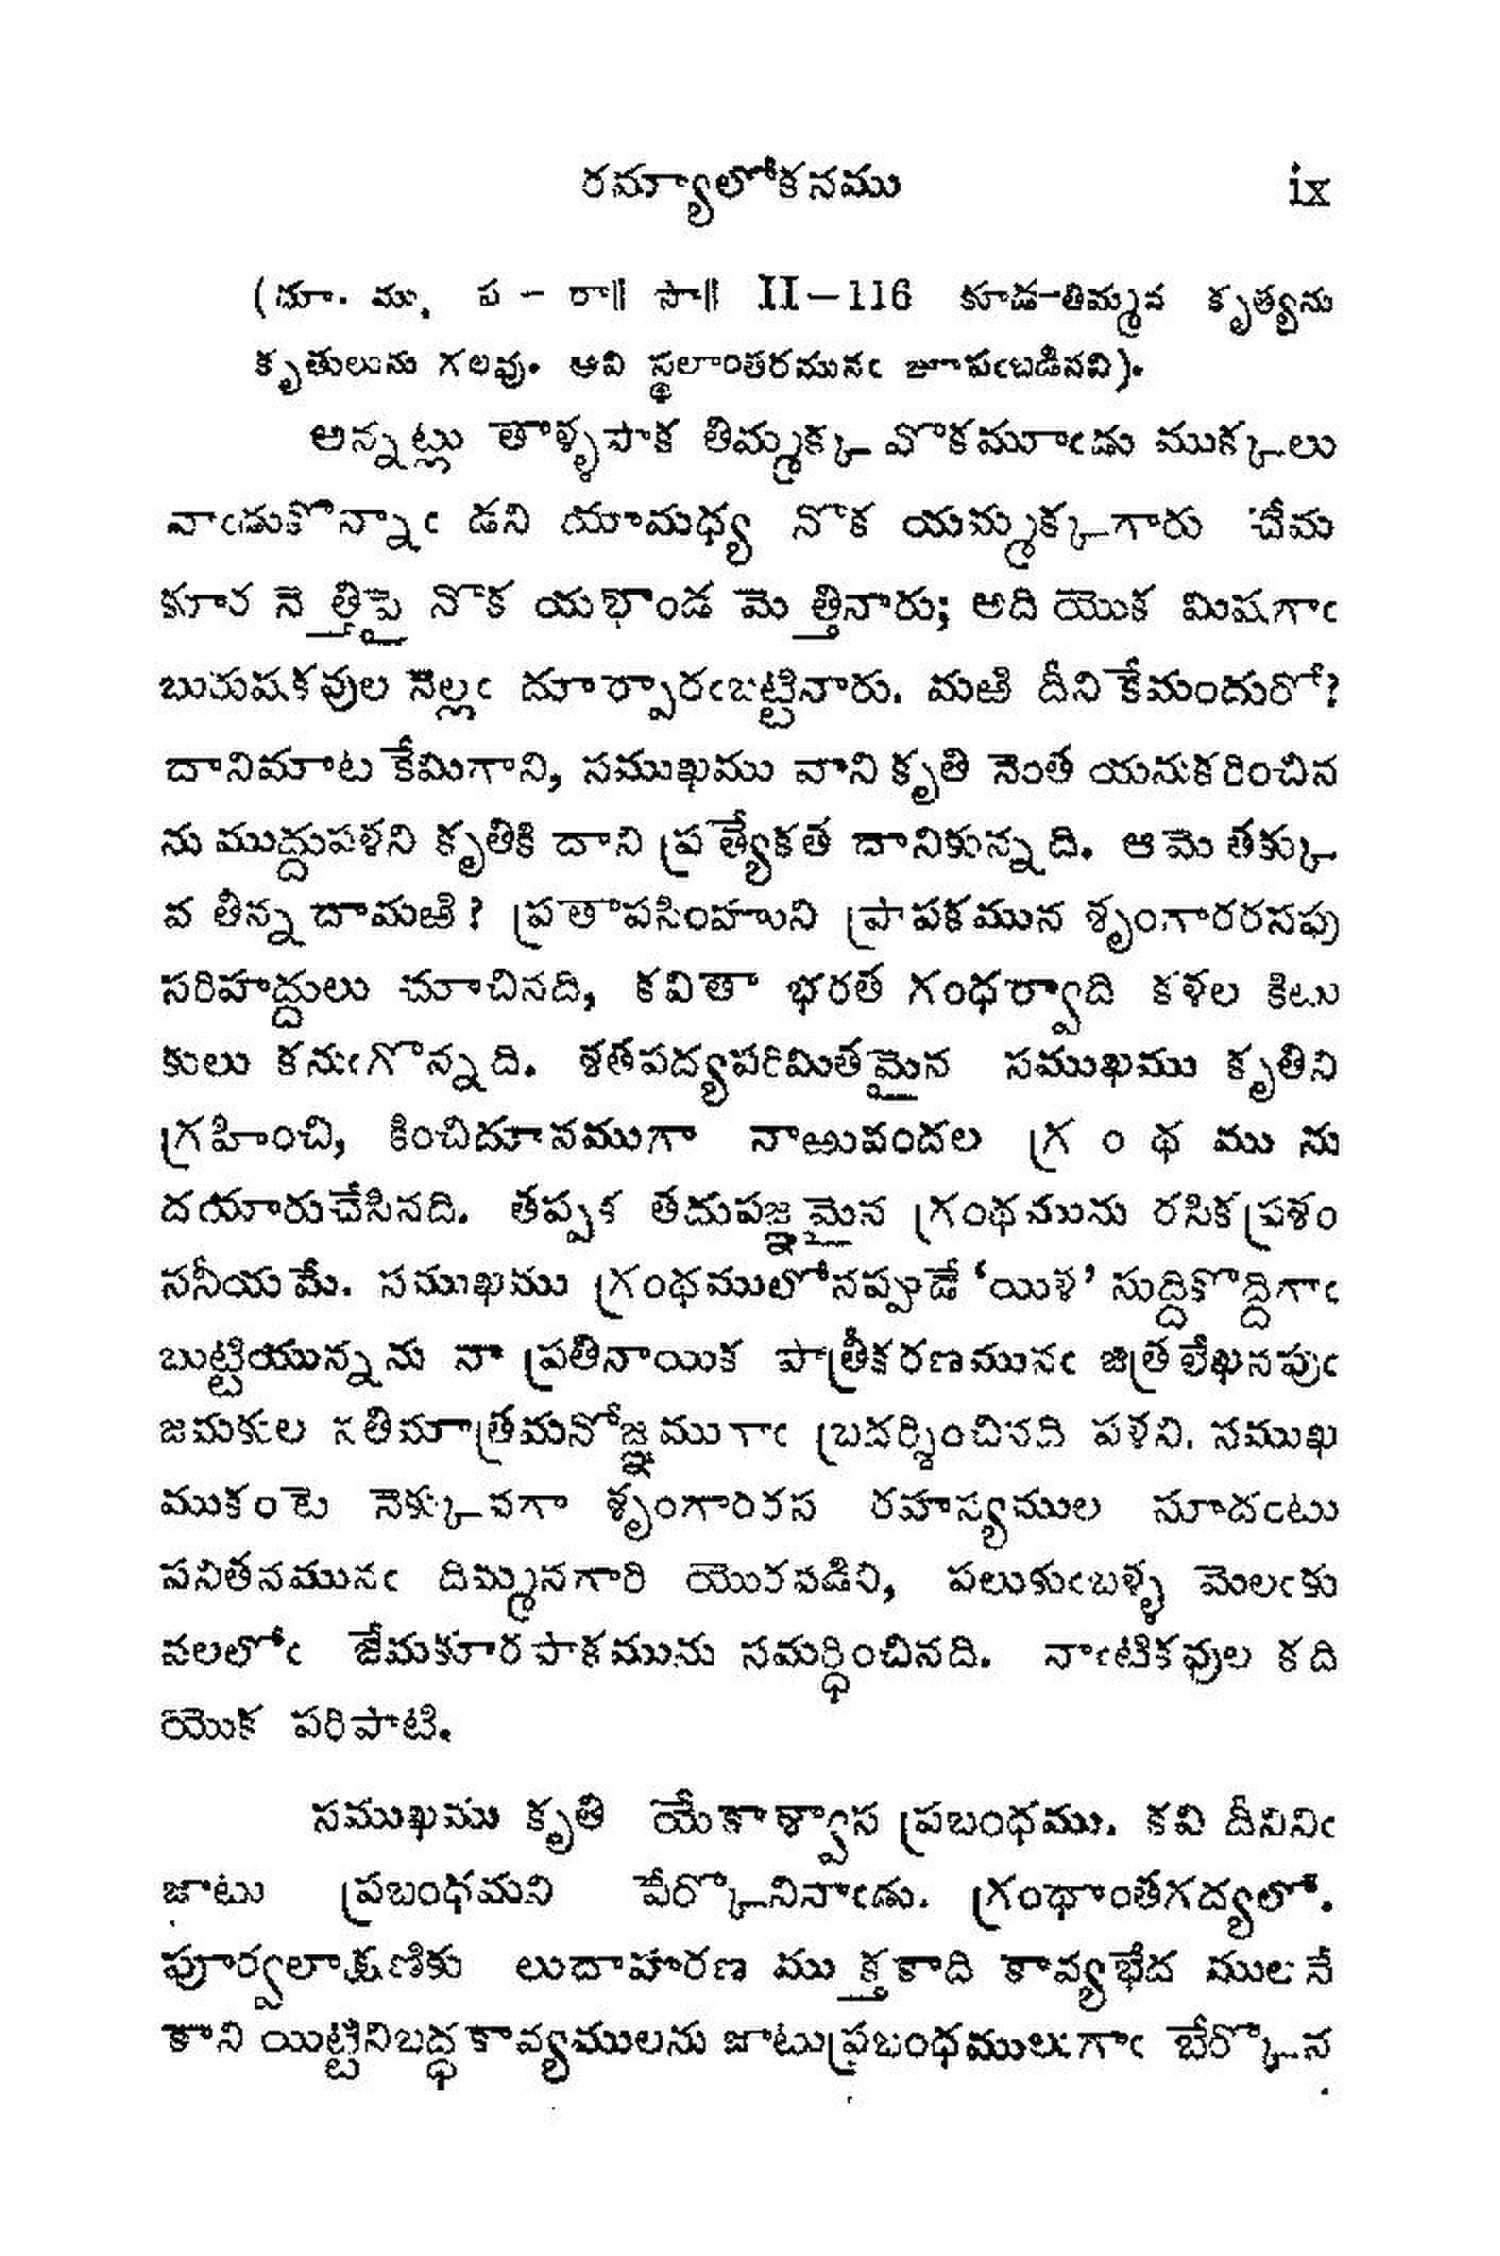(చూ.ము. ప. రా. సా. 2-116 కూడ-తిమ్మన కృత్యనుకృతులును గలవు. అవి స్థలాంతరమునఁ జూపఁబడినవి.)

అన్నట్లు తాళ్ళపాక తిమ్మక్క వొకమూఁడుముక్కలు వాఁడుకొన్నాఁడని యామధ్య నొక యమ్మక్కగారు చేమకూరనెత్తిపై నొకయభాండ మెత్తినారు; అది యొక మిషగాఁ బురుషకవులనెల్లఁ దూర్పారఁబట్టినారు. మఱి దీనికేమందురో? దానిమాట కేమి గాని, సముఖము వాని కృతి నెంత యనుకరించినను ముద్దుపళని కృతికి దానిప్రత్యేకత దానికున్నది. ఆమె తక్కువ తిన్నదా మఱి? ప్రతాపసింహున ప్రాపకమున శృంగారరసపు సరిహద్దులు చూచినది, కవితా భరత గంధర్వాది కళల కిటుకులు కనుఁగొన్నది. శతపద్యపరిమితమైన సముఖము కృతిని గ్రహించి, కించిదూనముగా నాఱువందల గ్రంథమును దయారుచేసినది. తప్పక తదుపజ్ఞమైన గ్రంథమును రసికప్రశంసనీయమే. సముఖము గ్రంథములో నప్పుడే ‘యిళ’ సుద్ది కొద్దిగాఁ బుట్టియున్నను నా ప్రతినాయిక పాత్రీకరణమునఁ జిత్రలేఖనపుఁ జమకుల నతిమాత్రమనోజ్ఞముగాఁ బ్రదర్శించినది పళని. సముఖముకంటె నెక్కువగా శృంగారరసరహస్యముల సూదంటుపనితనమునఁ దిమ్మనగారి యొరవడిని, పలుకుఁబళ్ళ మెఁలకువలలోఁ జేమకూరపాకమును సమర్థించినది. నాఁటికవుల కది యొక పరిపాటి.

సముఖము కృతి యేకాశ్వాసప్రబంధము. కవి దీనినిఁ జాటుప్రబంధమని పేర్కొనినాఁడు. గ్రంథాంతగద్యలో పూర్వలాక్షణికు లుదాహరణ ముక్తకాది కావ్యభేదములనే కాని యిట్టినిబద్ధకావ్యములను జాటుప్రబంధములుగాఁ బేర్కొన